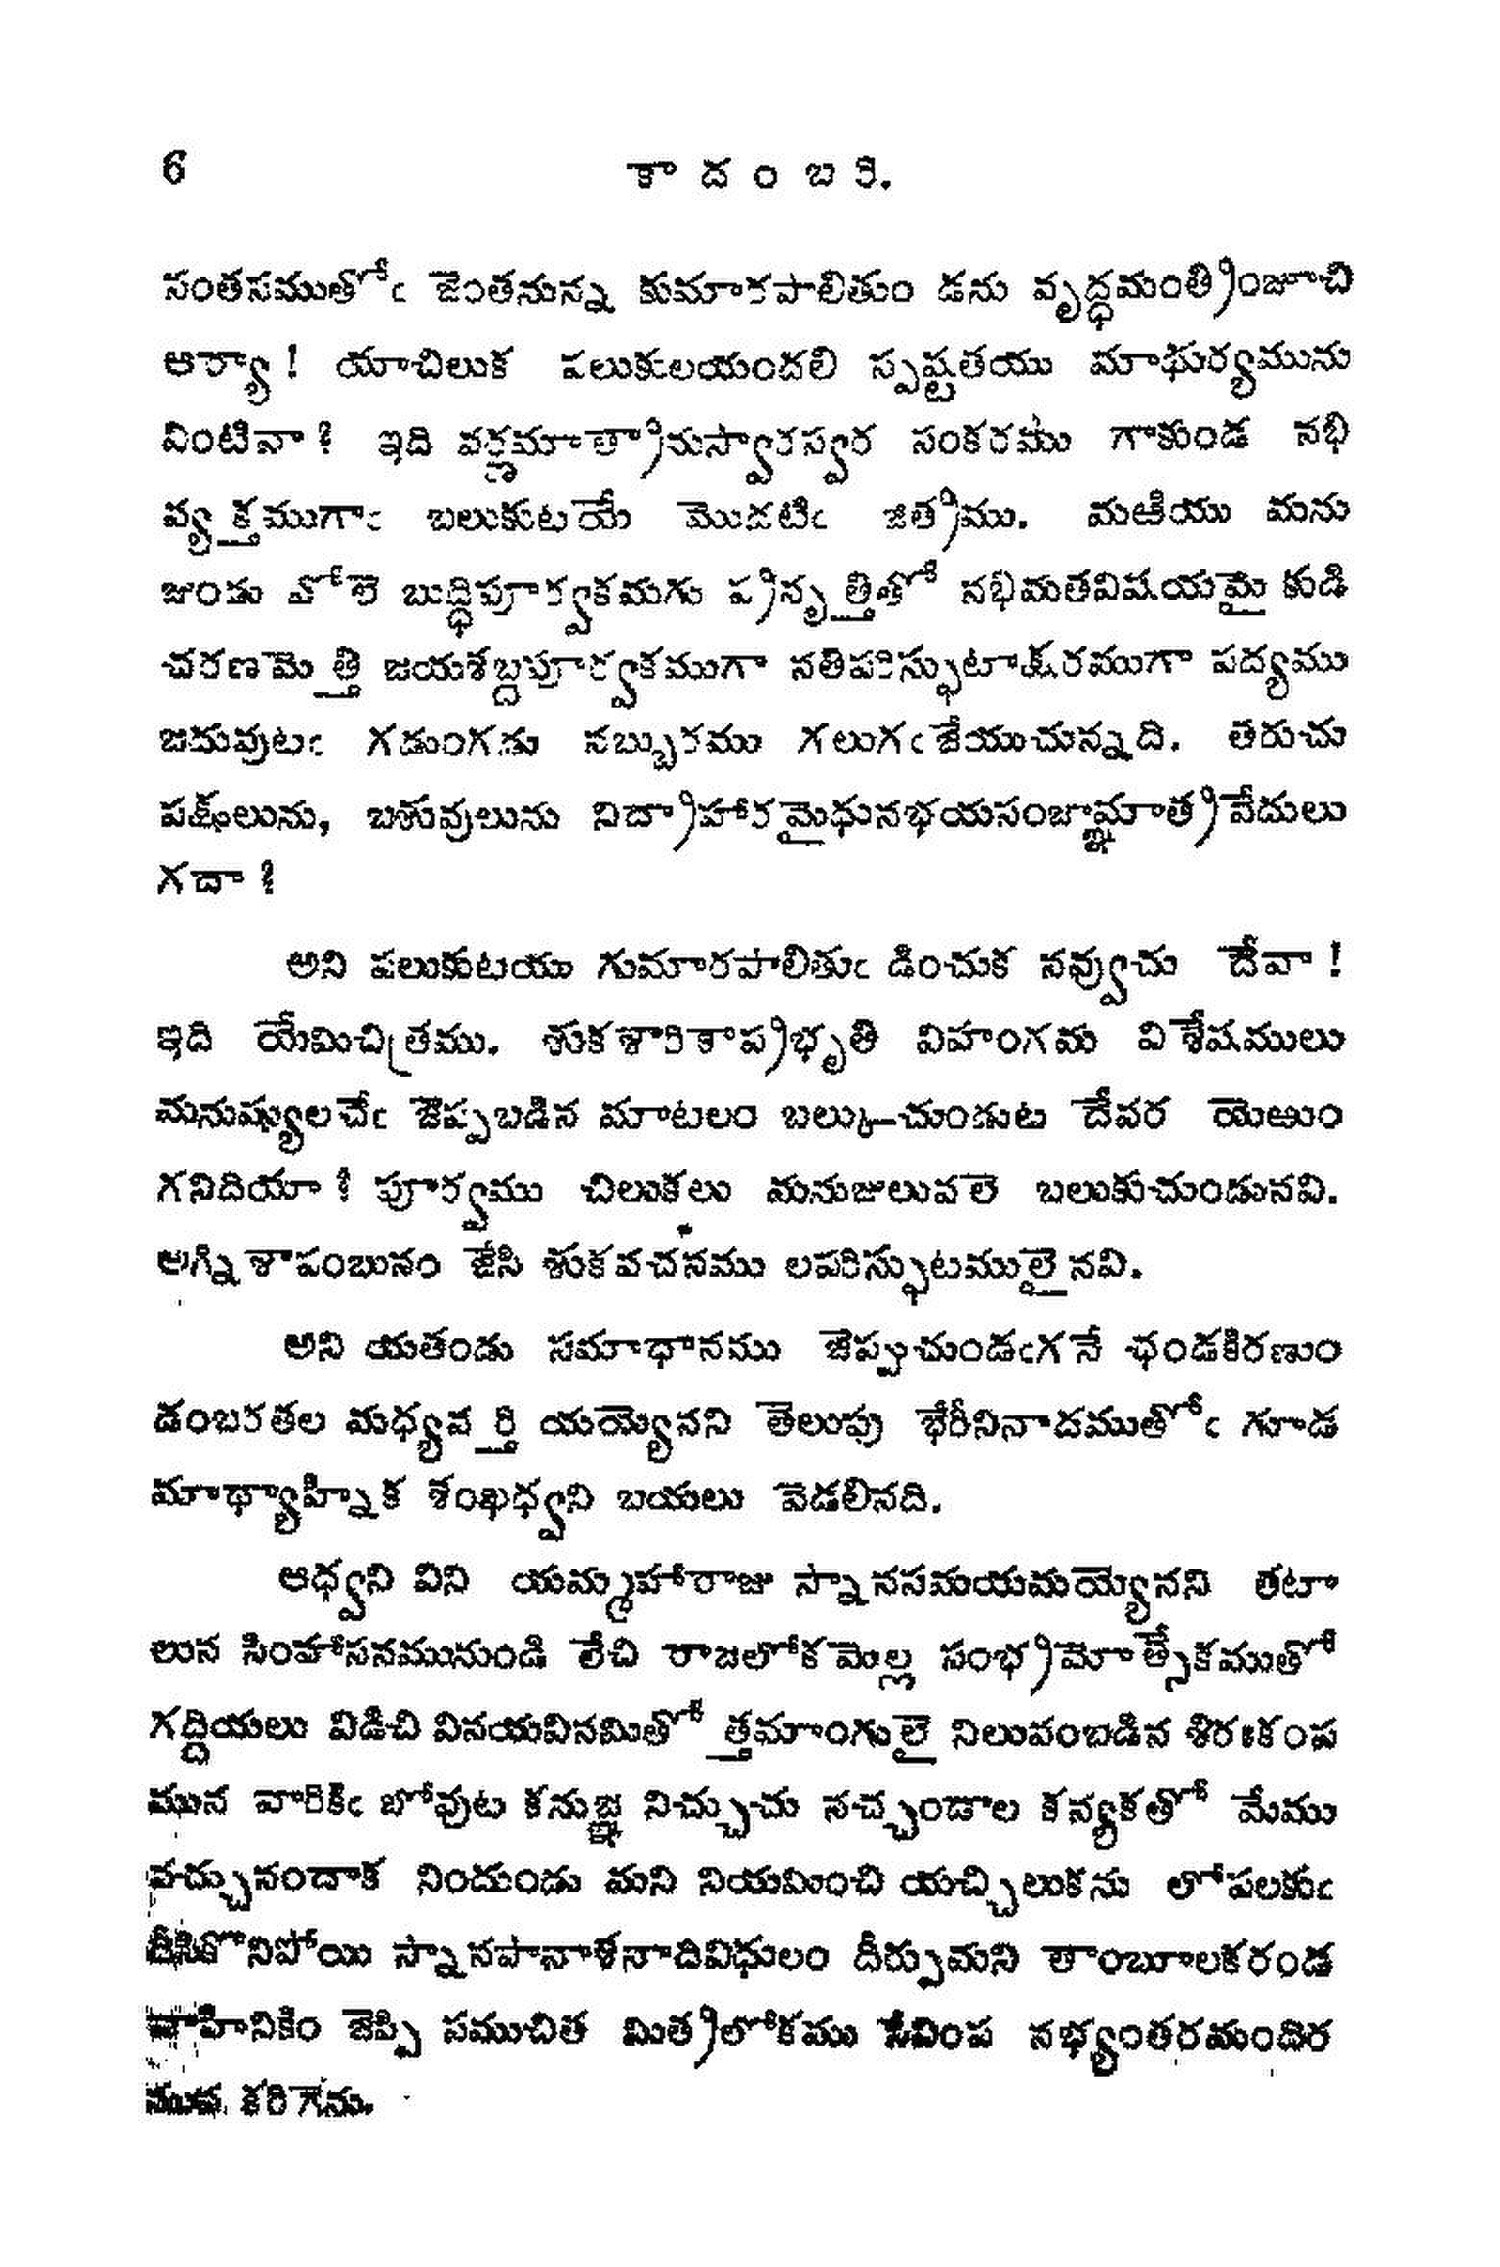సంతసముతోఁ జెంతనున్న కుమారపాలితుం డను వృద్ధమంత్రింజూచి ఆర్యా ! యాచిలుక పలుకులయందలి స్పష్టతయు మాథుర్యమును వింటివా ? ఇది వర్ణమాత్రానుస్వారస్వర సంకరము గాకుండ నభి వ్యక్తముగాఁ బలుకుటయే మొదటిఁ జిత్రము. మఱియు మనుజుండు వోలె బుద్ధిపూర్వకమగు ప్రవృత్తితో నభిమతవిషయమై కుడి చరణమెత్తి జయశబ్దపూర్వకముగా నతిపరిస్ఫూటాక్షరముగా పద్యము జదువుటఁ గడుంగడు నబ్బురము గలుగఁజేయుచున్నది. తరుచు పక్షులును, బశువులును నిద్రాహారమైధునభయసంజ్ఞామాత్రవేదులు గదా ?

అని పలుకుటయు గుమారపాలితుఁ డించుక నవ్వుచు దేవా ! ఇది యేమిచిత్రము. శుకశారికాప్రభృతి విహంగమ విశేషములు మనుష్యులచేఁ జెప్పబడిన మాటలం బల్కుచుండుట దేవర యెఱుంగనిదియా ? పూర్వము చిలుకులు మనుజులువలె బలుకుచుండునవి. అగ్ని శాపంబునం జేసి శుకవచనము లపరిస్ఫుటములైనవి.

అని యతండు సమాధానము జెప్పుచుండఁగనే ఛండకిరణుం డంబరతల మధ్యవర్తి యయ్యెనని తెలుపు భేరినినాదముతోఁ గూడ మాథ్యాహ్నిక శంఖధ్వని బయలు వెడలినది.

ఆధ్వని విని యమ్మహారాజు స్నానసమయమయ్యెనని తటాలున సింహాసనమునుండి లేచి రాజలోకమెల్ల సంభ్రమోత్సేకముతో గద్దియలు విడిచి వినయవినమితో త్తమాంగులై నిలువంబడిన శిరఃకంపమున వారికిఁ బోవుట కనుజ్ఞ నిచ్చుచు నచ్చండాల కన్యకతో మేము వచ్చినందాక నిందుండు మని నియమించి యచ్చిలుకను లోపలకుఁ దీసికొనిపోయి స్నానపానాశనాదివిధులం దీర్పుమని తాంబూలకరండ వాహినికిం జెప్పి సముచిత మిత్రలోకము సేవింప నభ్యంతరమందిరమున కరిగెను.